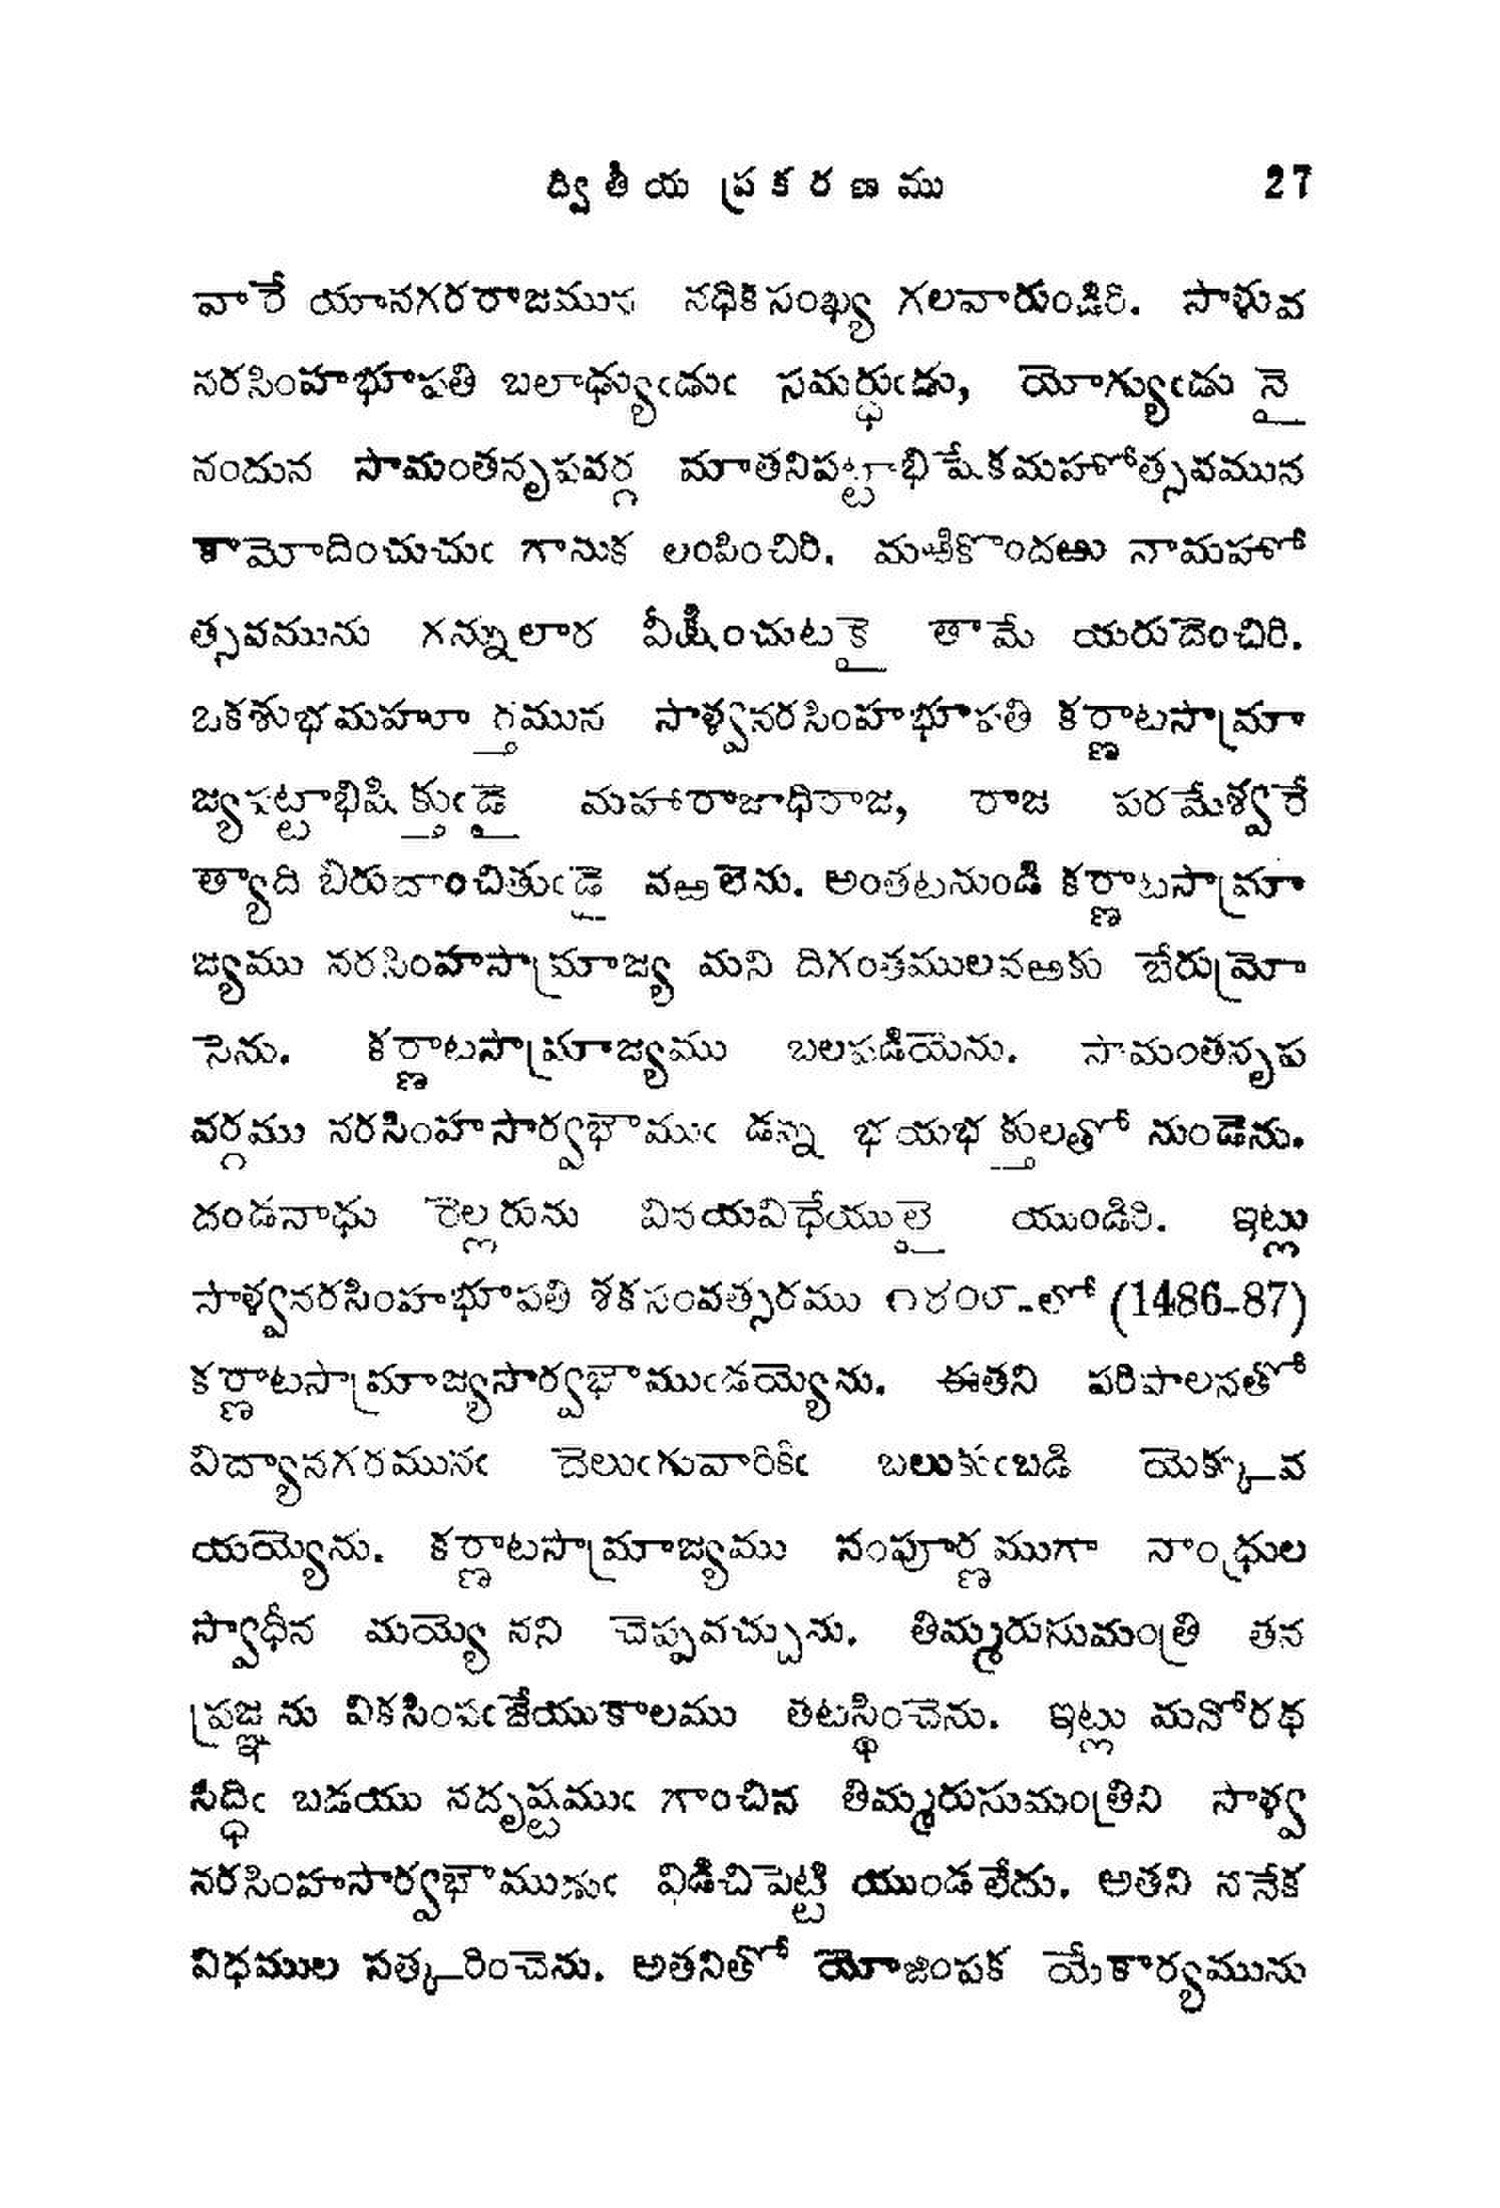వారే యానగరరాజమున నధికసంఖ్య గలవారుండిరి. సాళువనరసింహభూపతి బలాడ్యుఁడుఁ సమర్ధుఁడు, యోగ్యుఁడు నై నందున సామంతనృపవర్గ మాతనిపట్టాభిషేక మహోత్సవమున కామోదించుచుఁ గానుక లంపించిరి, మఱికొందఱు నామహోత్సవమును గన్నులార వీక్షించుటకై తామే యరుదెంచిరి. ఒకశుభమహూర్తమున సాళ్వనరసింహభూపతి కర్ణాటసామ్రాజ్య పట్టాభిషిక్తుఁడై మహారాజాధిరాజ, రాజ పరమేశ్వరేత్యాది బిరుదాంచితుఁడై వఱలెను. అంతటనుండి కర్ణాటసామ్రాజ్యము నరసింహసామ్రాజ్య మని దిగంతములవఱకు బేరుమ్రోసెను. కర్ణాటసామ్రాజ్యము బలపడియెను. సామంతనృపవర్గము నరసింహసార్వభౌముఁ డన్న భయభక్తులతో నుండెను. దండనాధు. రెల్లరును వినయవిధేయులై యుండిరి. ఇట్లు సాళ్వనరసింహభూపతి శకసంవత్సరము 1408-లో (1486–87) కర్ణాటసామ్రాజ్యసార్వభౌముఁ డయ్యెను. ఈతని పరిపాలనతో విద్యానగరమునఁ దెలుఁగువారికిఁ బలుకుఁబడి యెక్కువ యయ్యెను. కర్ణాటసామ్రాజ్యము సంపూర్ణముగా నాంధ్రుల స్వాధీన మయ్యె నని చెప్పవచ్చును. తిమ్మరుసుమంత్రి తన ప్రజ్ఞను వికసింపఁజేయుకాలము తటస్థించెను. ఇట్లు మనోరథసిద్ధిఁ బడయు నదృష్టముఁ గాంచిన తిమ్మరుసుమంత్రిని సాళ్వనరసింహసార్వభౌముడుఁ విడిచిపెట్టి యుండలేదు. అతని ననేక విధముల సత్కరించెను. అతనితో యోజింపక యేకార్యమును